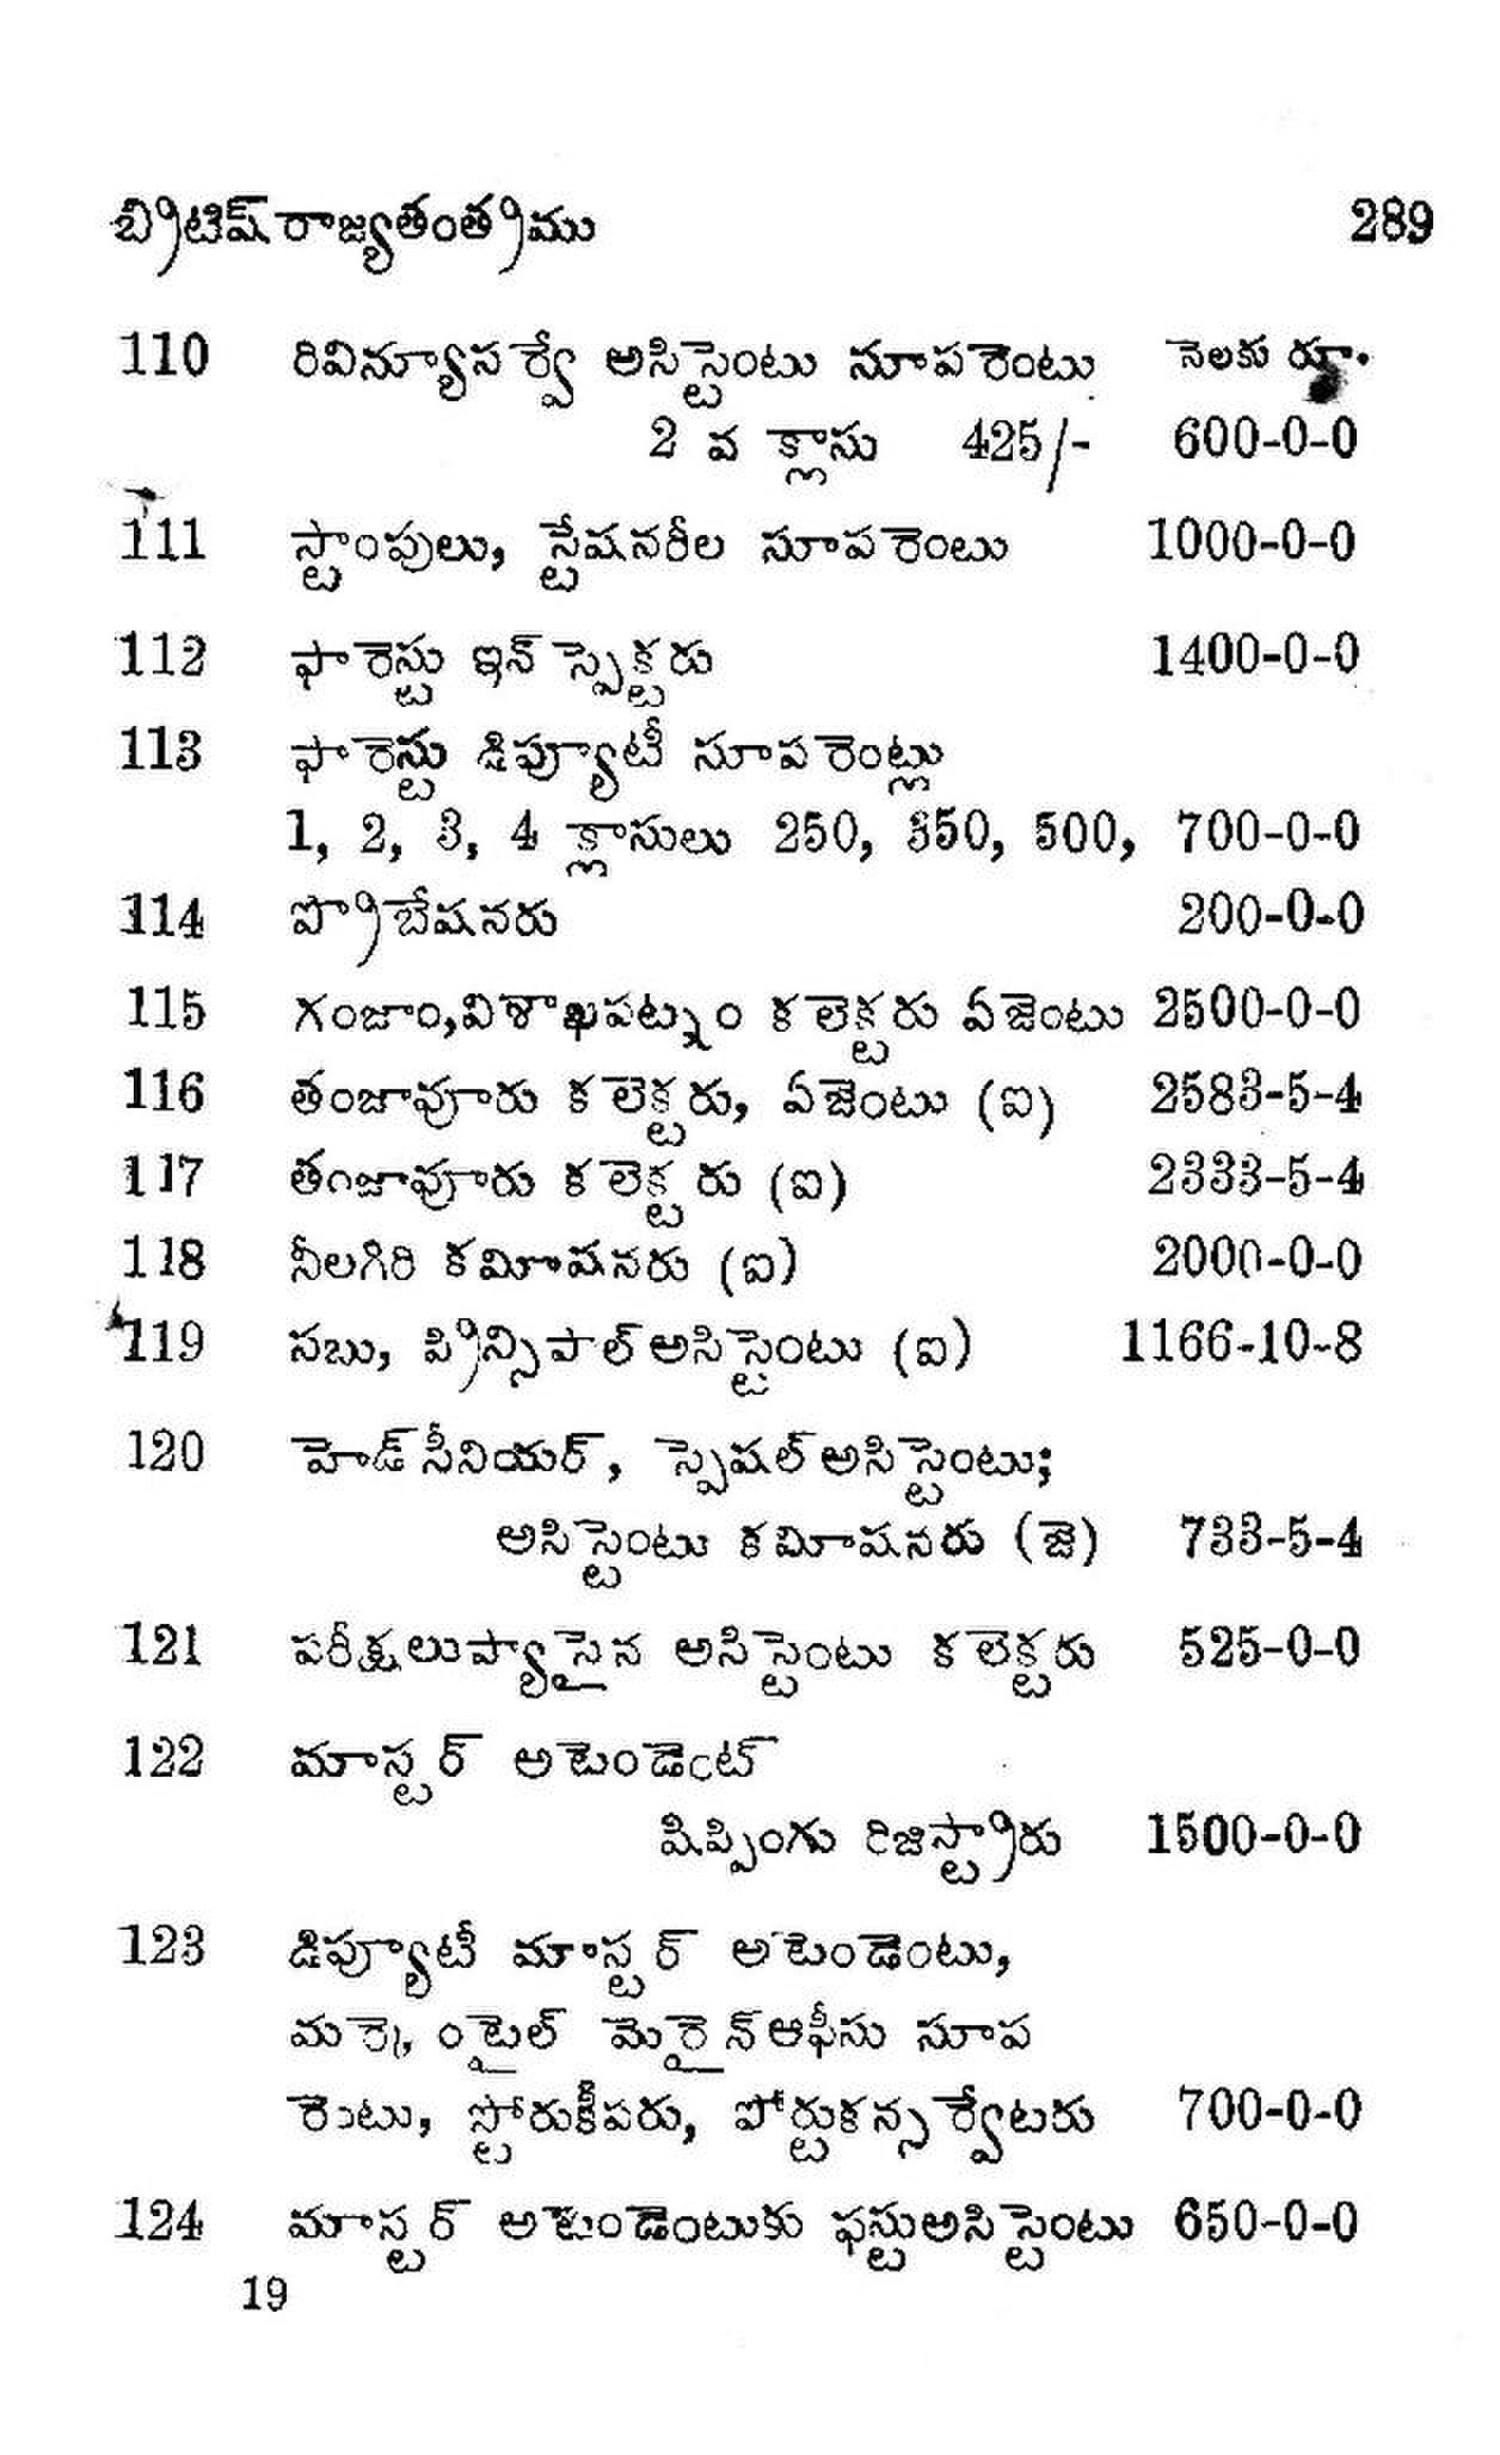110 రివిన్యూసర్వే అసిస్టెంటు సూపరెంటు 2 వ క్లాసు నెలకు రూ. 425/- 600-0-0 111 స్టాంపులు, స్టేషనరీల సూపరెంటు 1000-0-0 112 ఫారెస్టు ఇన్‌స్పెక్టరు 1400-0-0 113 ఫారెస్టు డిప్యూటీ సూపరెంట్లు 1, 2, 3, 4 క్లాసులు 250, 350, 500, 700-0-0 114 ప్రొబేషనరు 200-0-0 115 గంజాం, విశాఖపట్నం కలెక్టరు ఏజెంటు 2500-0-0 116 తంజావూరు కలెక్టరు, ఏజెంటు (ఐ) 2583-5-4 117 తంజావూరు కలెక్టరు (ఐ) 2333-5-4 118 నీలగిరి కమీషనరు (ఐ) 2000-0-0 119 సబు, ప్రిన్సిపాల్ అసిస్టెంటు (ఐ) 1166-10-8 120 హెడ్‌సీనియర్, స్పెషల్ అసిస్టెంటు; అసిస్టెంటు కమీషనరు (జె) 733-5-4 121 పరీక్షలుప్యాసైన అసిస్టెంటు కలెక్టరు 525-0-0 122 మాస్టర్ అటెండెంట్ షిప్పింగు రిజిష్ట్రారు 1500-0-0 123 డిప్యూటీ మాస్టర్ అటెండెంటు, మార్కెంటైల్ మెరైన్‌ఆఫీసు సూపరెంటు, స్టోరుకీపరు, పోర్టుకన్సర్వేటరు 700-0-0 124 మాస్టర్ అటెండెంటుకు ఫస్టుఅసిస్టెంటు 650-0-0